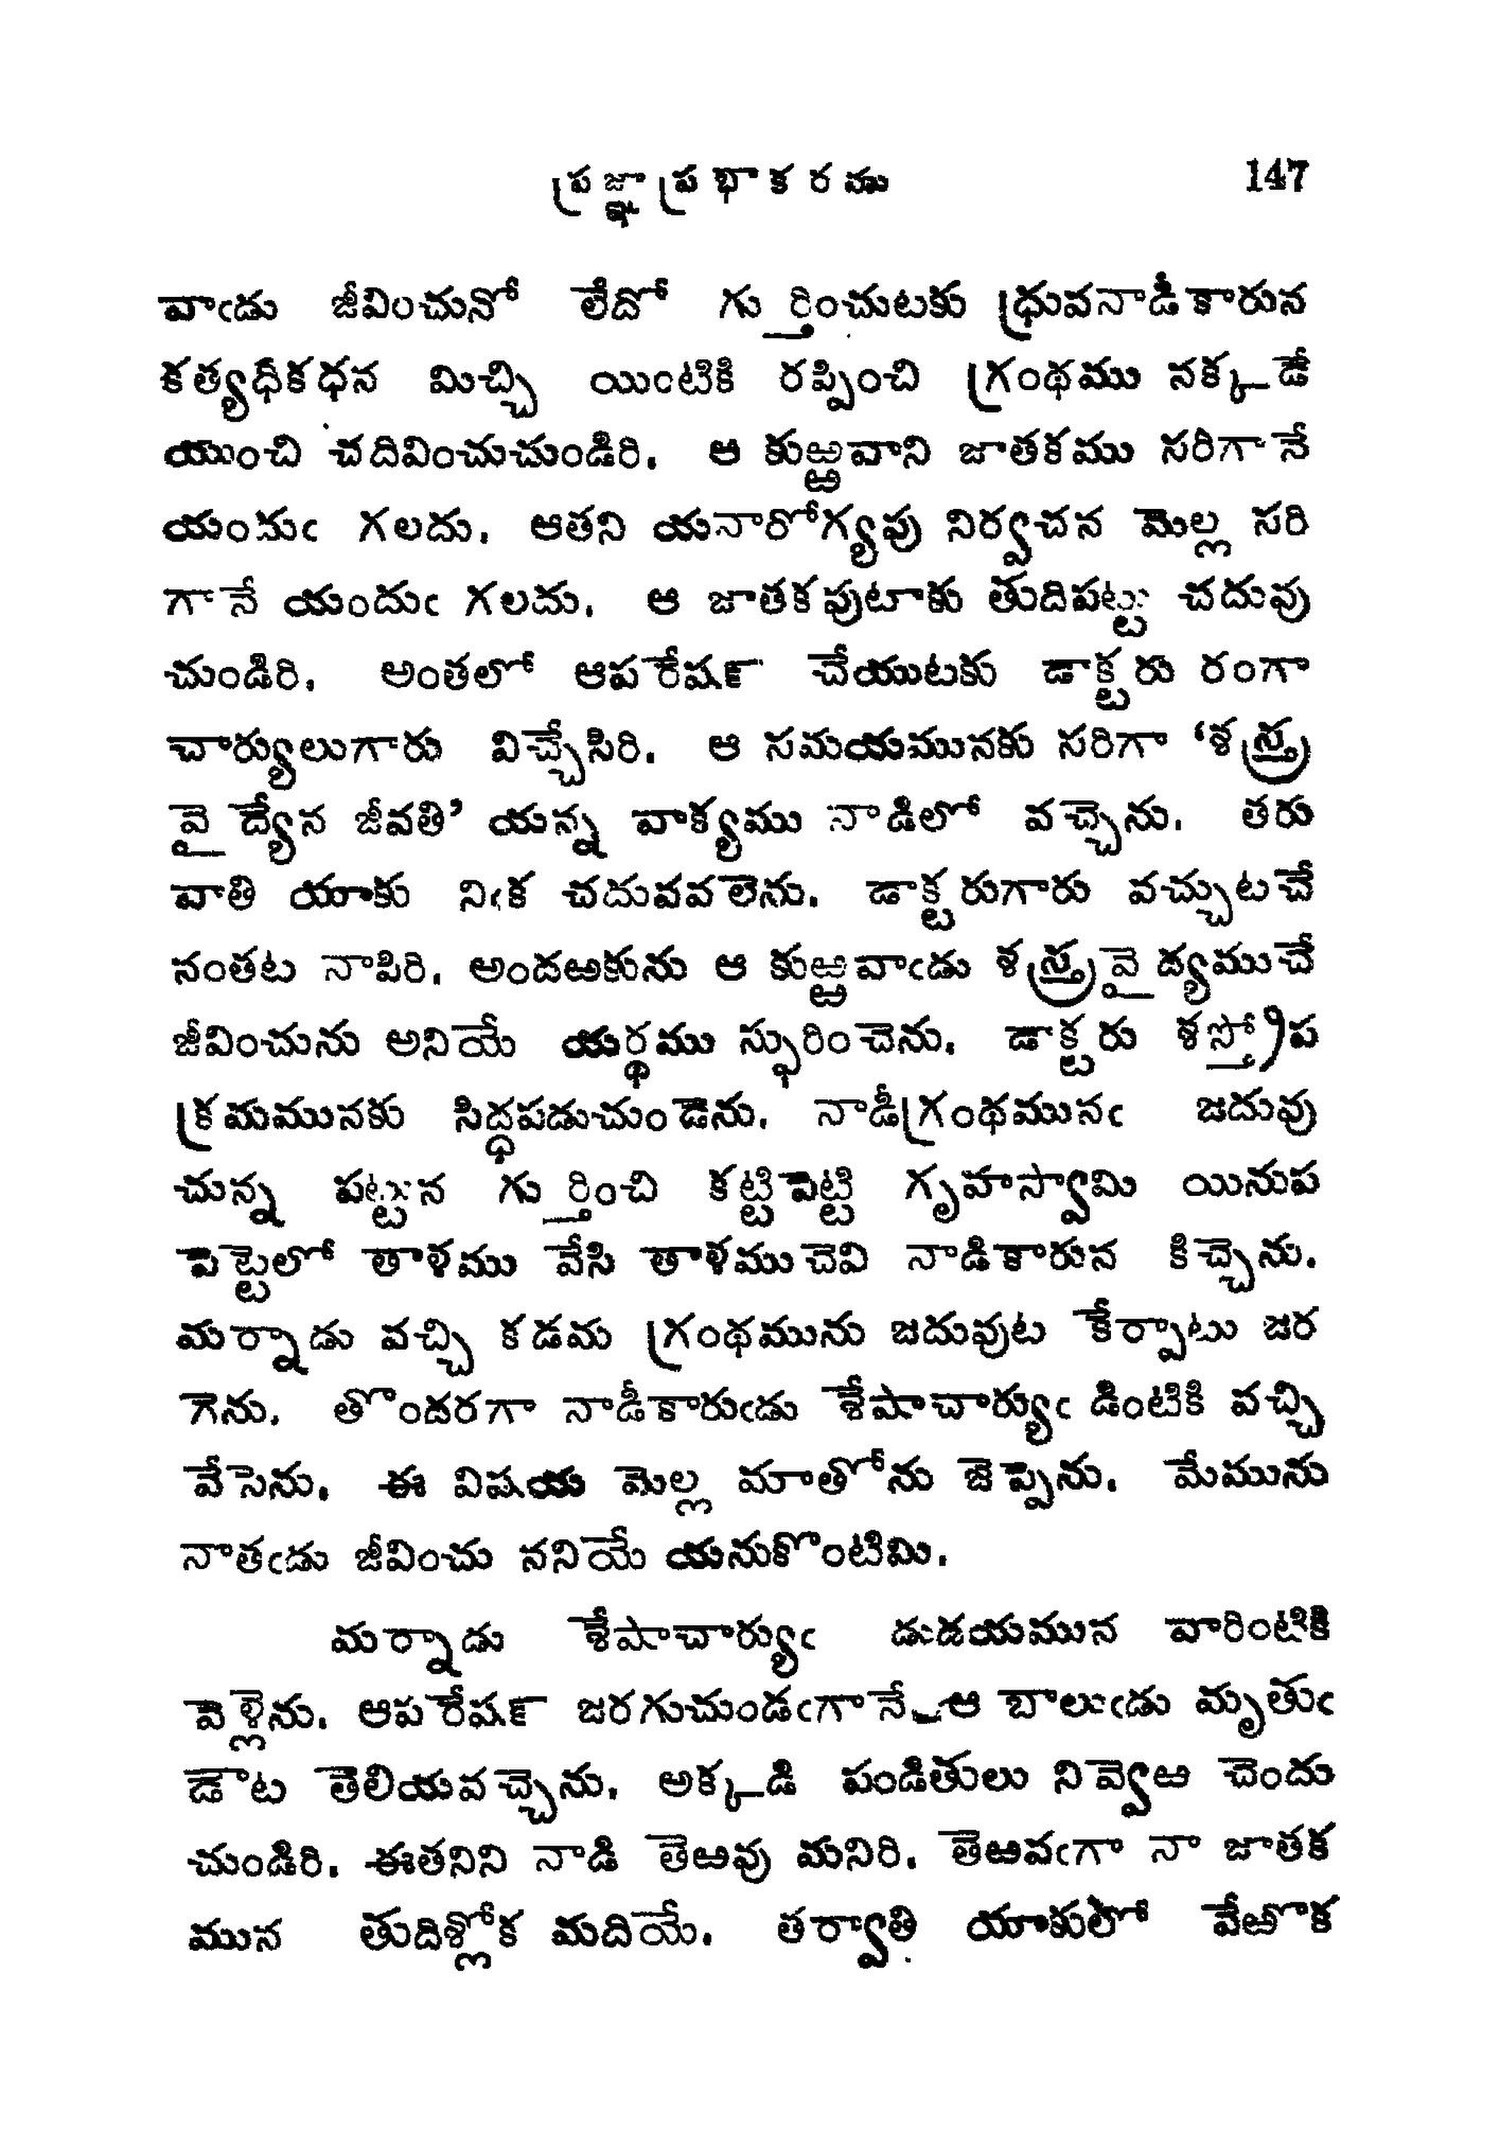వాఁడు జీవించునో లేదో గుర్తించుటకు ధ్రువనాడీకారున కత్యధిక ధన మిచ్చి యింటికి రప్పించి గ్రంథము నక్కడే యుంచి చదివించుచుండిరి. ఆ కుఱ్ఱవాని జాతకము సరిగానే యందుఁ గలదు. ఆతని యనారోగ్యపు నిర్వచన మెల్ల సరిగానే యందుఁ గలదు. ఆ జాతకపు టాకు తుదిపట్టు చదువుచుండిరి. అంతలో ఆపరేష౯ చేయుటకు డాక్టరు రంగాచార్యులు గారు విచ్చేసిరి. ఆ సమయమునకు సరిగా 'శస్త్ర వైద్యేన జీవతి' యన్న వాక్యము నాడిలో వచ్చెను. తరువాతి యాకు నిఁక చదువవలెను. డాక్టరుగారు వచ్చుటచే నంతట నాపిరి. అందఱకును ఆ కుఱ్ఱవాఁడు శస్త్రవైద్యముచే జీవించును అనియే యర్థము స్ఫురించెను. డాక్టరు శస్ర్తోప క్రమమునకు సిద్దపడుచుండెను. నాడీగ్రంథమునఁ జదువుచున్న పట్టున గుర్తించి కట్టిపెట్టి గృహస్వామి యినుప పెట్టెలో తాళము వేసి తాళముచెవి నాడికారున కిచ్చెను. మర్నాడు వచ్చి కడమ గ్రంథమును జదువుట కేర్పాటు జరగెను. తొందరగా నాడీకారుఁడు శేషాచార్యుఁ డింటికి వచ్చివేసెను. ఈ విషయ మెల్ల మాతోను జెప్పెను. మేమును నాతఁడు జీవించు ననియే యనుకొంటిమి.

మర్నాడు శేషాచార్యుఁ డుదయమున వారింటికి వెళ్ళెను. ఆపరేష౯ జరుగుచుండఁగానే ఆ బాలుఁడు మృతుఁ డౌట తెలియవచ్చెను. అక్కడి పండితులు నివ్వెఱ చెందుచుండిరి. ఈతనిని నాడీ తెఱవు మనిరి. తెఱవఁగా నా జాతకమున తుదిశ్లోక మదియే. తర్వాతి యాకులో వేఱొక